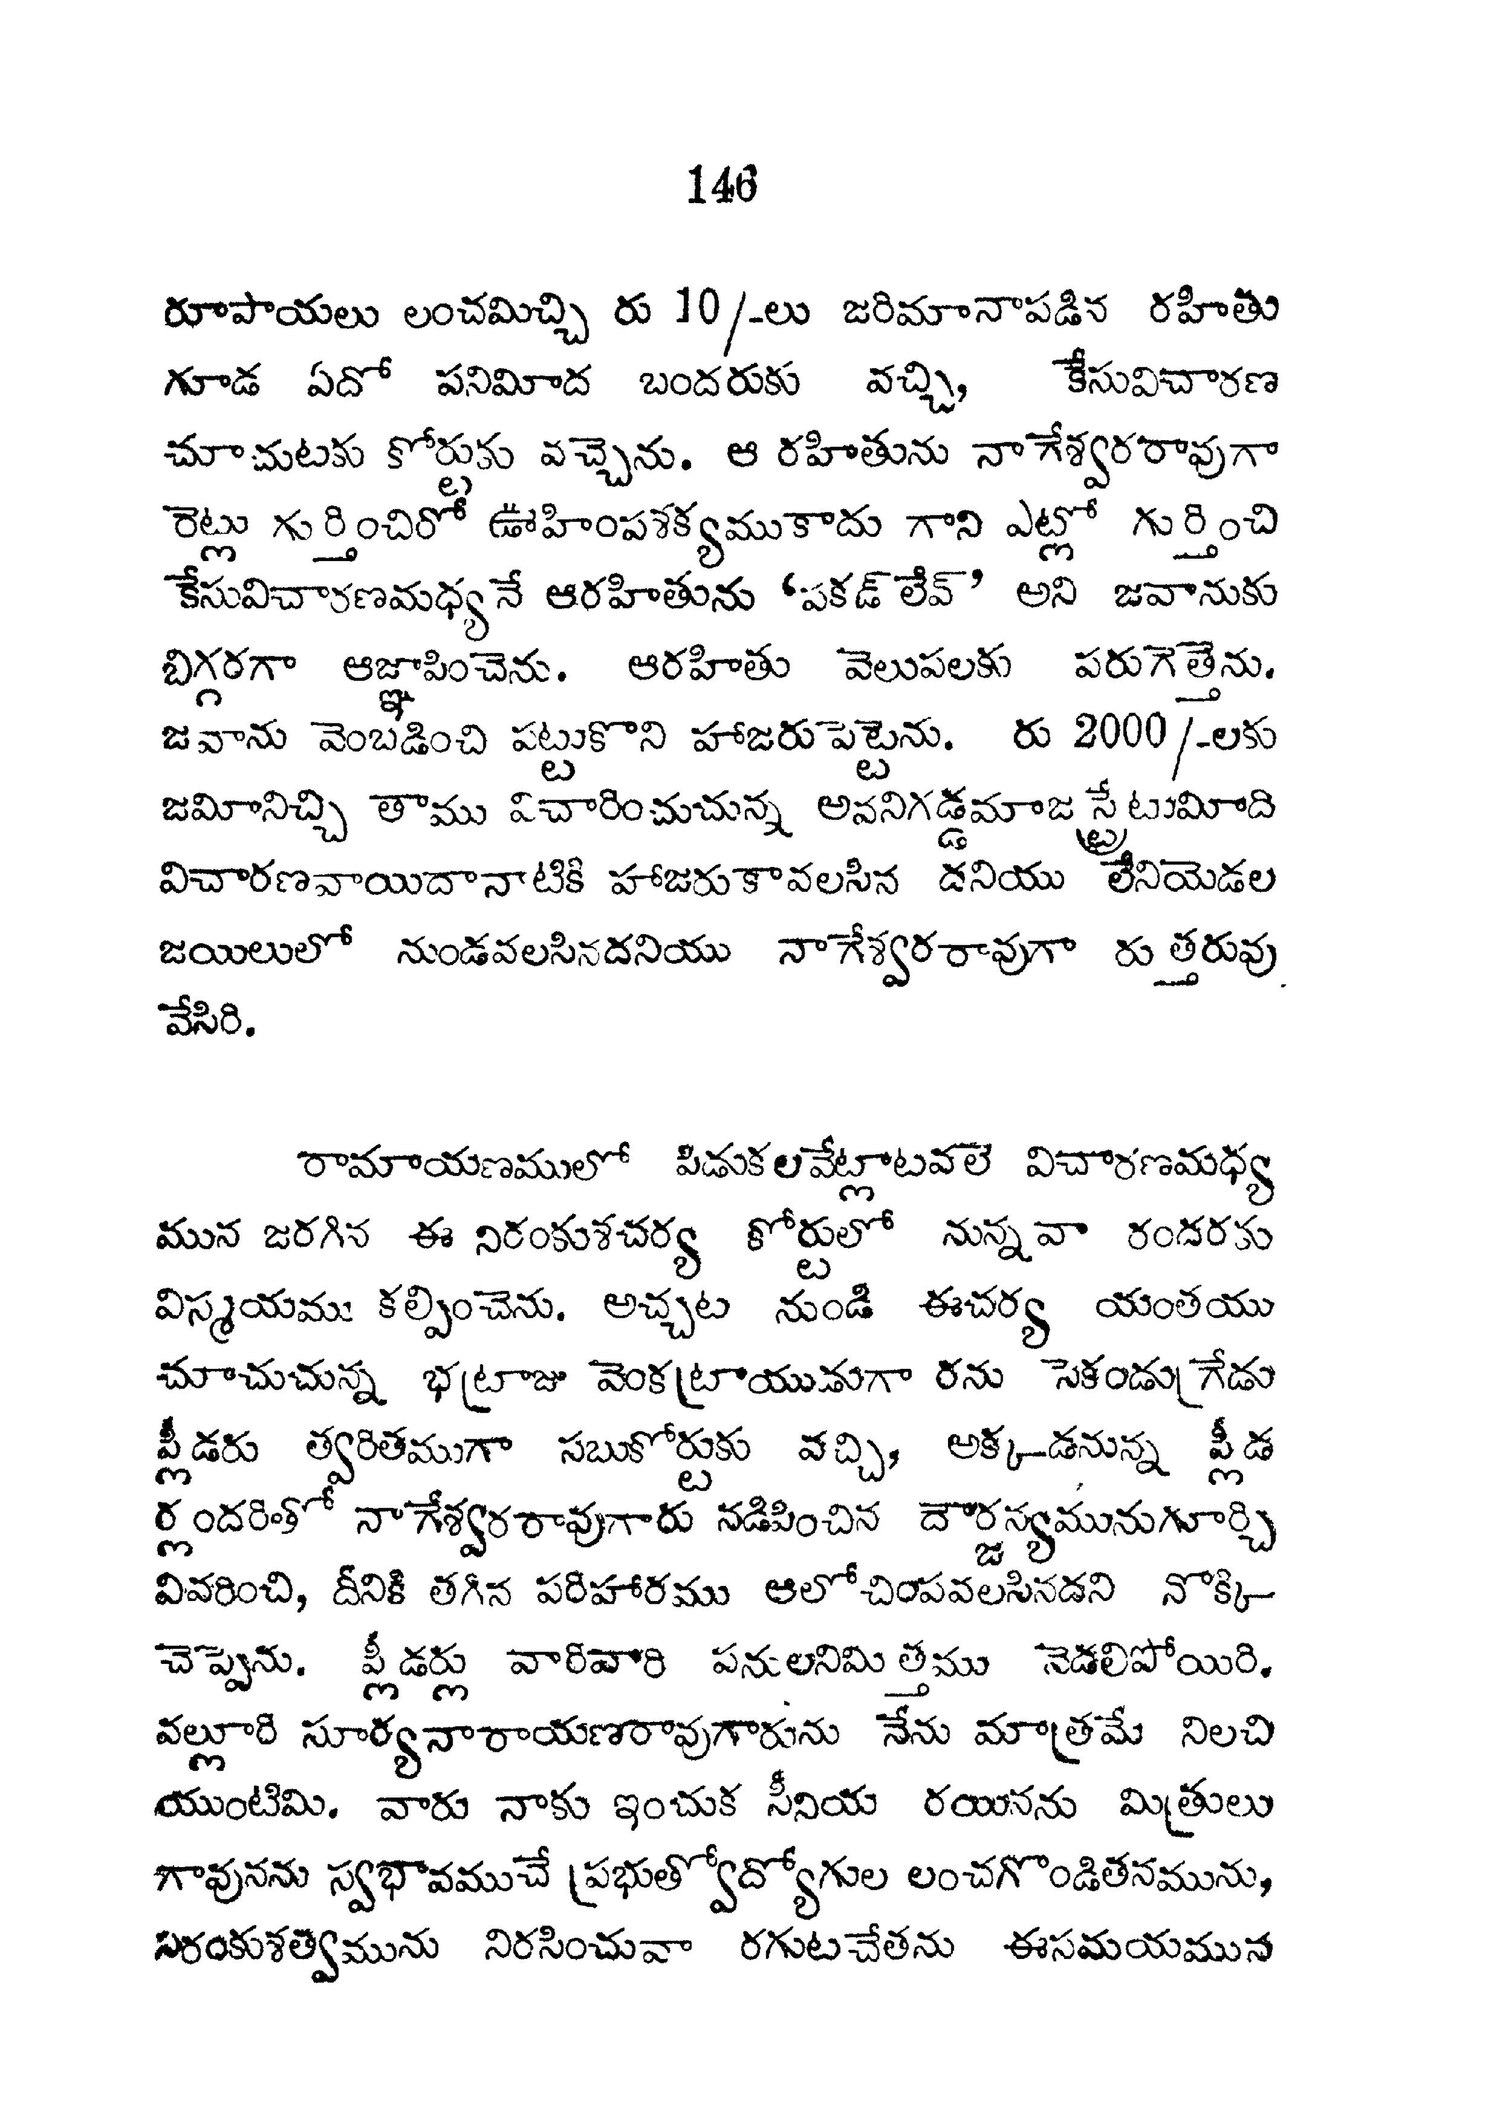రూపాయలు లంచమిచ్చి రు 10/- లు జరిమానాపడిన రహితు గూడ ఏదో పనిమీద బందరుకు వచ్చి, కేసువిచారణ చూచుటకు కోర్టుకు వచ్చెను. ఆ రహితును నాగేశ్వరరావుగారెట్లు గుర్తించిరో ఊహింపశక్యముకాదు గాని ఎట్లో గుర్తించి కేసువిచారణమధ్యనే ఆరహితును 'పకడ్‌లేవ్‌' అని జవానుకు బిగ్గరగా ఆజ్ఞాపించెను. ఆరహితు వెలుపలకు పరుగెత్తెను. జవాను వెంబడించి పట్టుకొని హాజరుపెట్టెను. రు 2000/-లకు జమీనిచ్చి తాము విచారించుచున్న అవనిగడ్డమాజస్ట్రేటుమీది విచారణవాయిదానాటికి హాజరుకావలసిన దనియు లేనియెడల జయిలులో నుండవలసినదనియు నాగేశ్వరరావుగా రుత్తరువు వేసిరి.

రామాయణములో పిడుకలవేట్లాటవలె విచారణమధ్యమున జరగిన ఈ నిరంకుశచర్య కోర్టులో నున్నవా రందరకు విస్మయము కల్పించెను. అచ్చట నుండి ఈచర్య యంతయు చూచుచున్న భట్రాజు వెంకట్రాయుడుగా రను సెకండుగ్రేడు ప్లీడరు త్వరితముగా సబుకోర్టుకు వచ్చి, అక్కడనున్న ప్లీడర్లందరితో నాగేశ్వరరావుగారు నడిపించిన దౌర్జన్యమునుగూర్చి వివరించి, దీనికి తగిన పరిహారము ఆలోచింపవలసినదని నొక్కి చెప్పెను. ప్లీడర్లు వారివారి పనులనిమిత్తము వెడలిపోయిరి. వల్లూరి సూర్యనారాయణరావుగారును నేను మాత్రమే నిలచి యుంటిమి. వారు నాకు ఇంచుక సీనియ రయినను మిత్రులు గావునను స్వభావముచే ప్రభుత్వోద్యోగుల లంచగొండితనమును, నిరంకుశత్వమును నిరసించువా రగుటచేతను ఈసమయమున